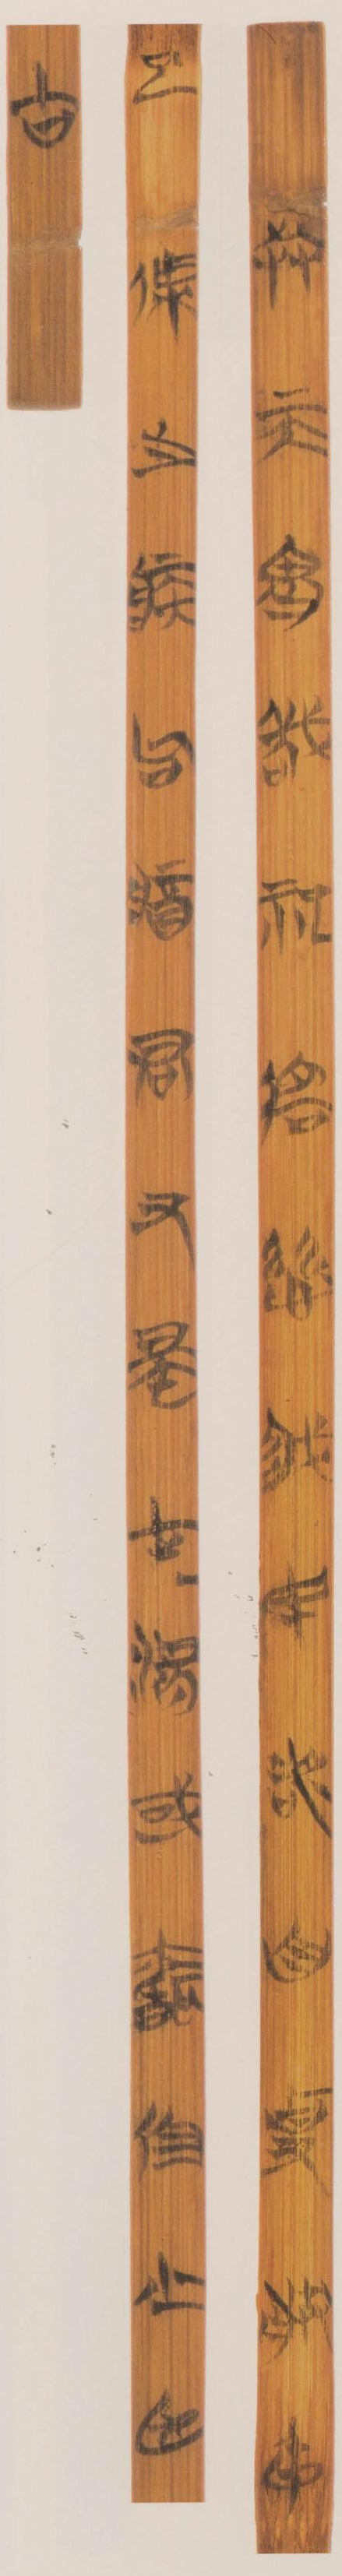共天畏敬祀{弔口}慈我民若自史朕身也傑之疾句𨟻君又{日虫}才湯或{尒䎽}於少臣古
